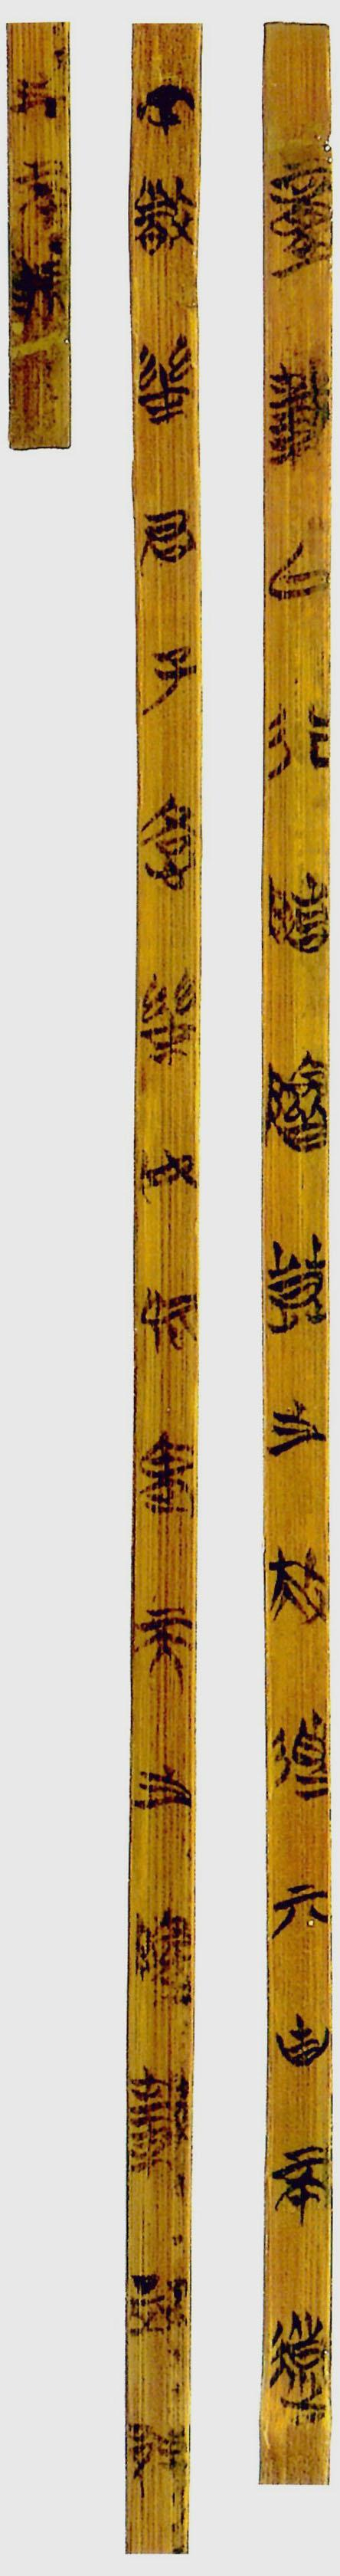童載㠯（以）行{阜青}險莫之{夫攴}道亓由不邋丁敬𪪋（哉）君子恪𪪋（哉）母巟畏天之{降止}載卹邦之不{爿貝}
